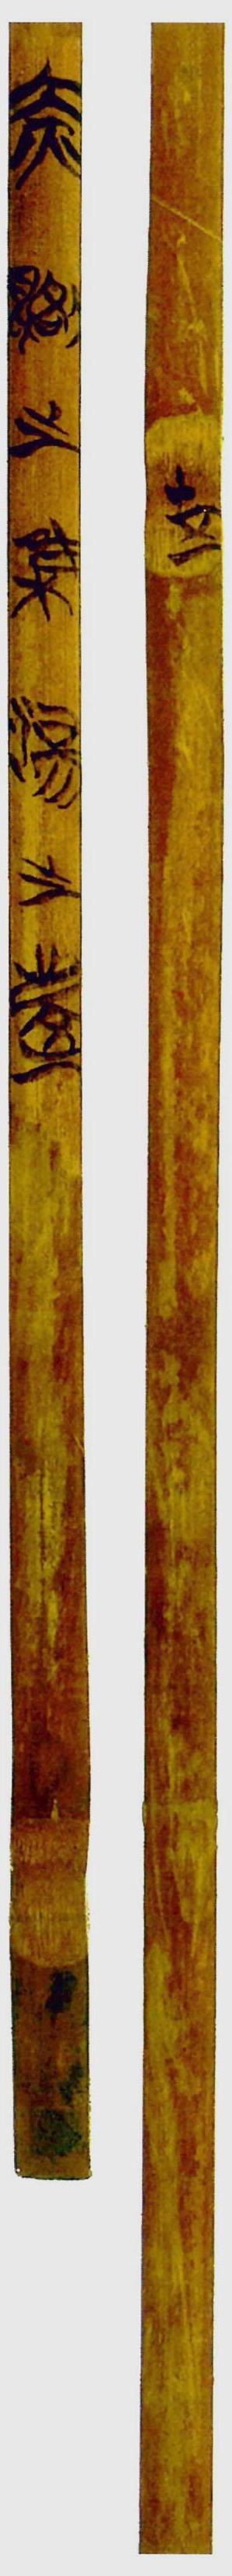{十五}赤{鳥咎}之集湯之{鹿至}
